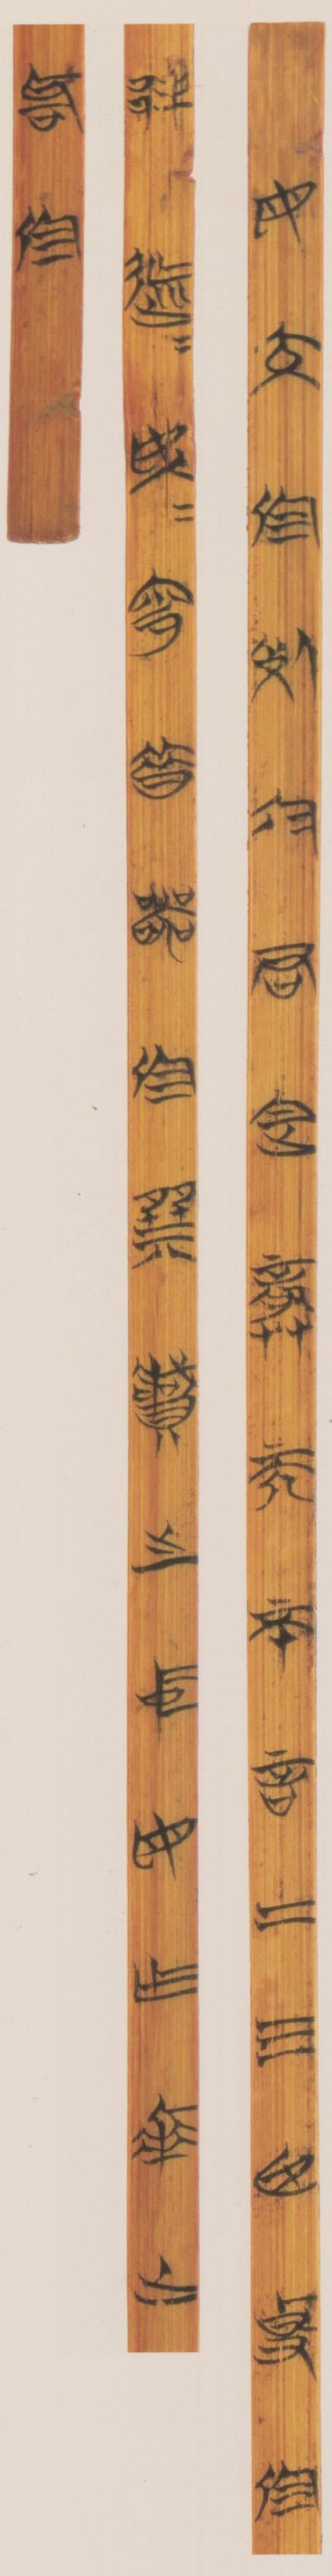母交於死今君定龏而不言二三臣史於邦{辶巟}=𡚦=宵昔器於巽{爿或貝}之𠁩母乍手止{㠯ㅋ}於
